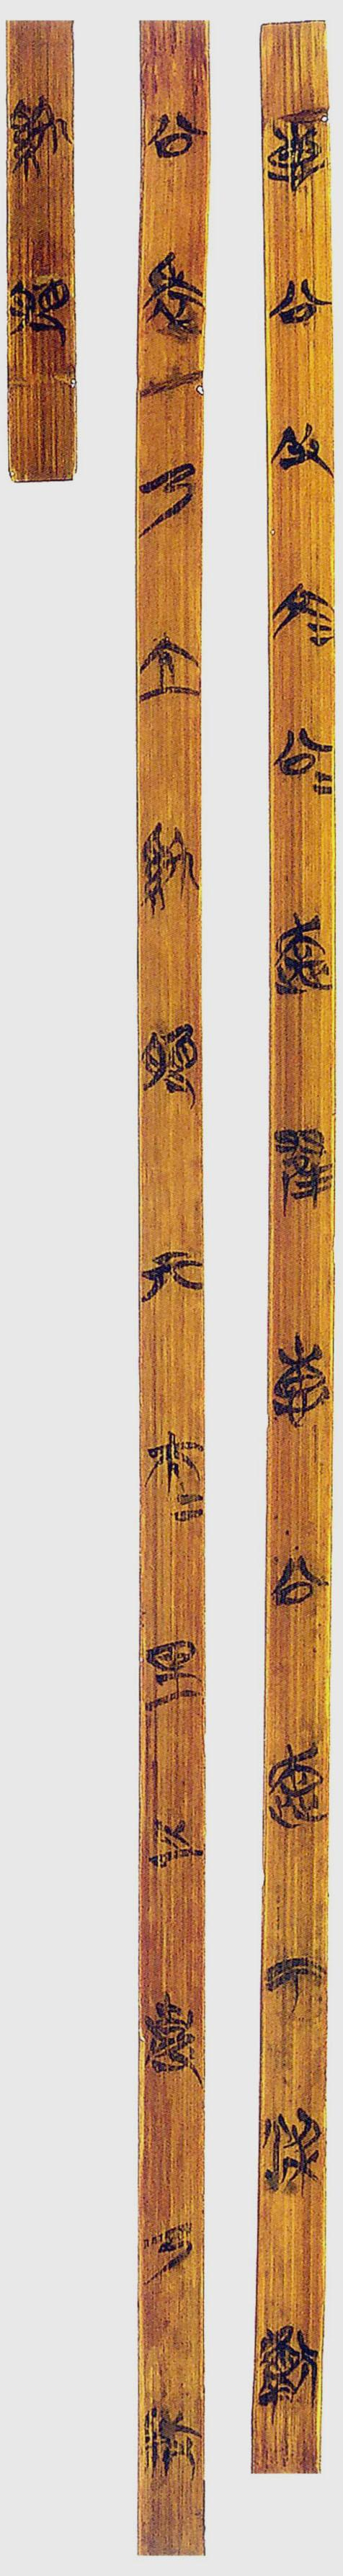惠公及文=公=奔翟惠公奔于梁獻公卒B乃立{奚人九}{次肉}亓夫=里之尅乃殺{奚人九}{次肉}
